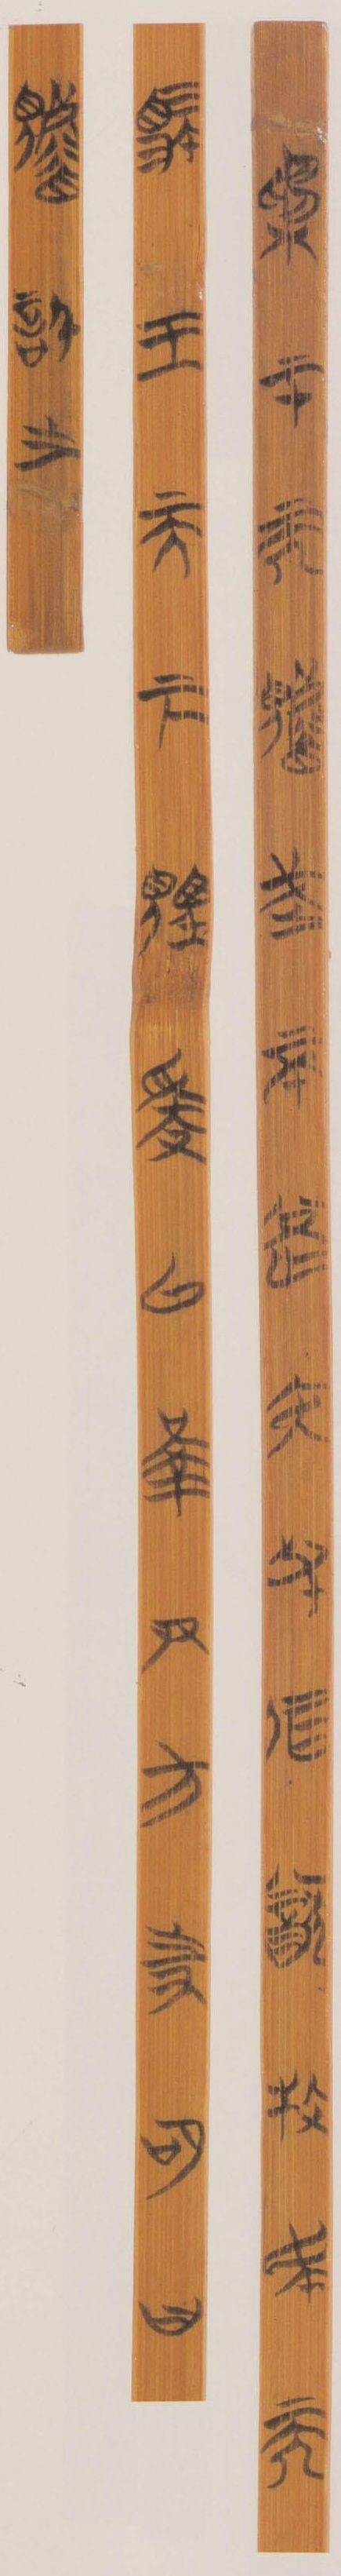柔丂而{見睿}武不罔夭屯{人亘}猶牧民而{馬午}王天下{見垔}爯㠯（以）{口㚔}四方寺名曰{見睿}信之
